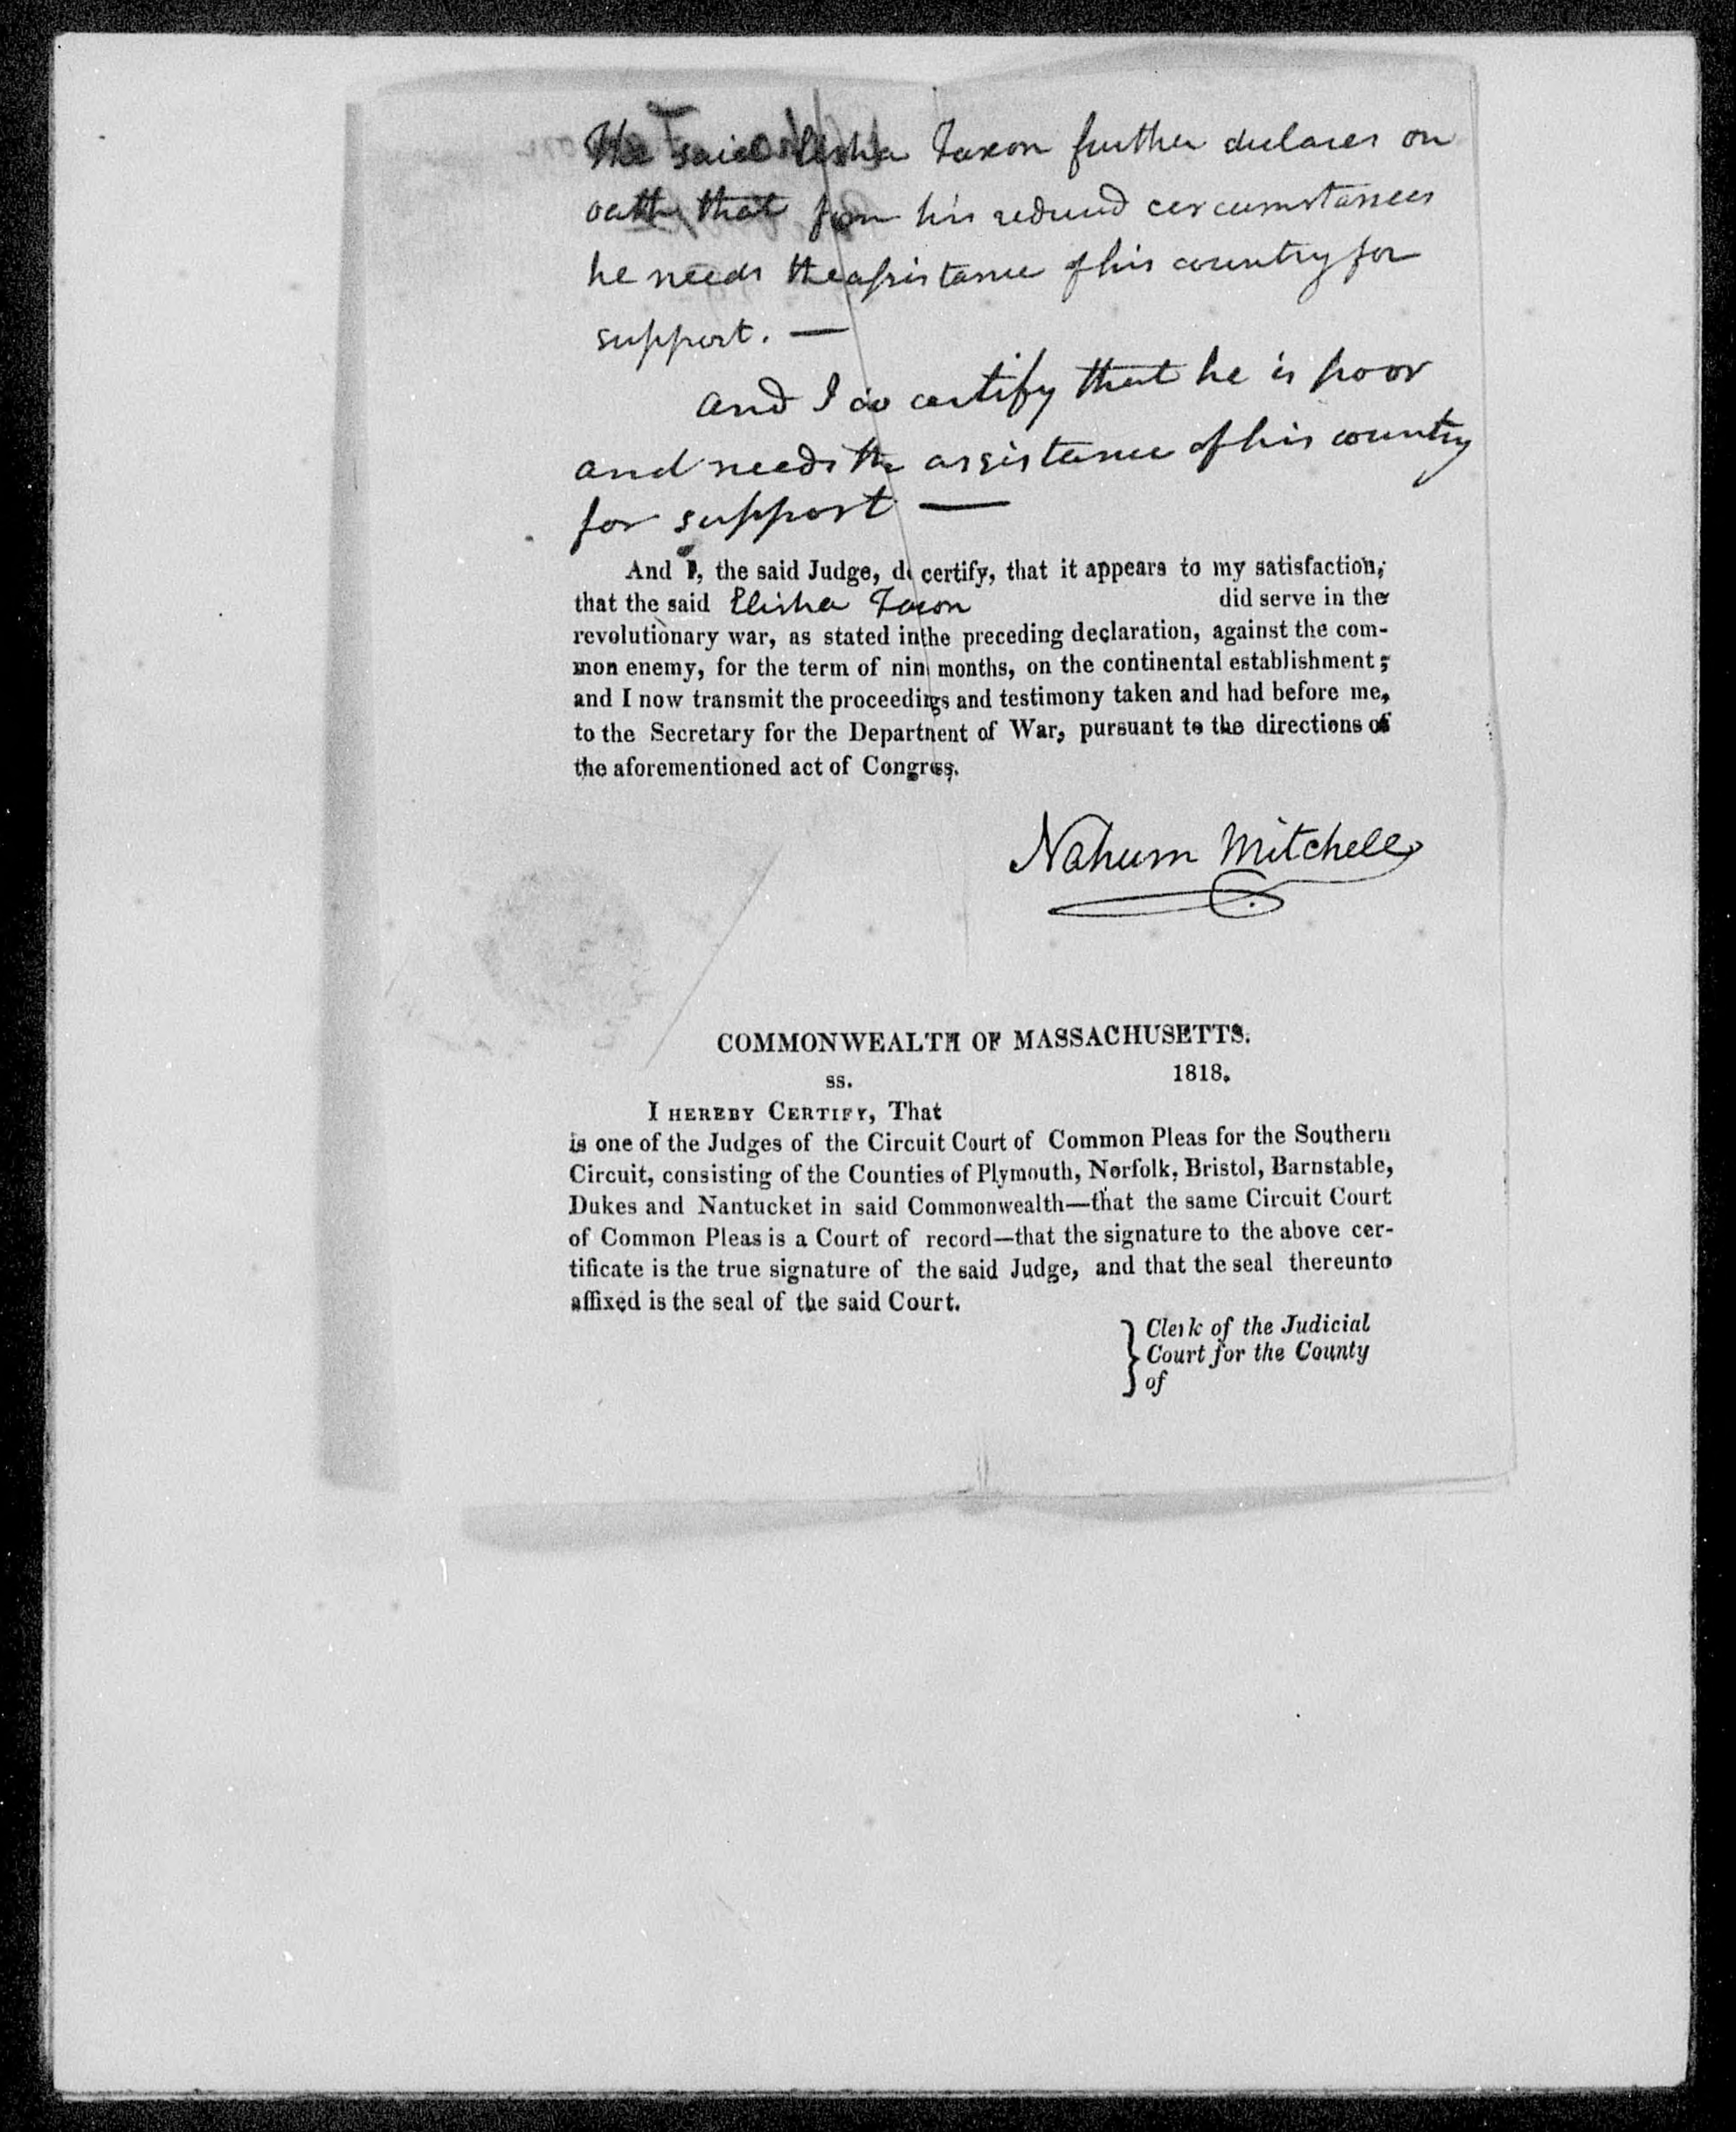The said Elisha Faxon further declares on oath that from his wound circumstances he needs the assistance of his country for support.
and I (illegible) certify that he is poor and needs the assistance of his country for support
And I, the said Judge, do certify, that it appears to my satisfaction that the said Elisha Faxon did serve in the revolutionary war, as stated in the preceding declaration, against the common enemy, for the term of nine months, on the continental establishment and I now transmit the procedings and testimony taken and had before me, to the Secretary for the Department of War, pursuant to the directions of the aforementioned act of Congress. 
Commonwealth of Massachusetts
1818
I hereby certify that (blank) is one of the Judges of the Circuit Court of Common Pleas for the Southern Circuit consisting of the Counties of Plymouth, Norfolk, Bristol, Barnstable, Dukes and Nantucket in said Commonwealth - that the same Circuit Court of Common Pleas is a Court of record - that the signature to the above certificate is the true signature of the said Judge , and that the seal thereunto affixed is the seal of the said Court. 
Clerk of the Judicial Court for the County of (blank)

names: Nahum Mitchell, Elisha Faxon, Elisha Faxon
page: 15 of 47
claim: widow's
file: W. 14703, Elisha Faxon, Mass